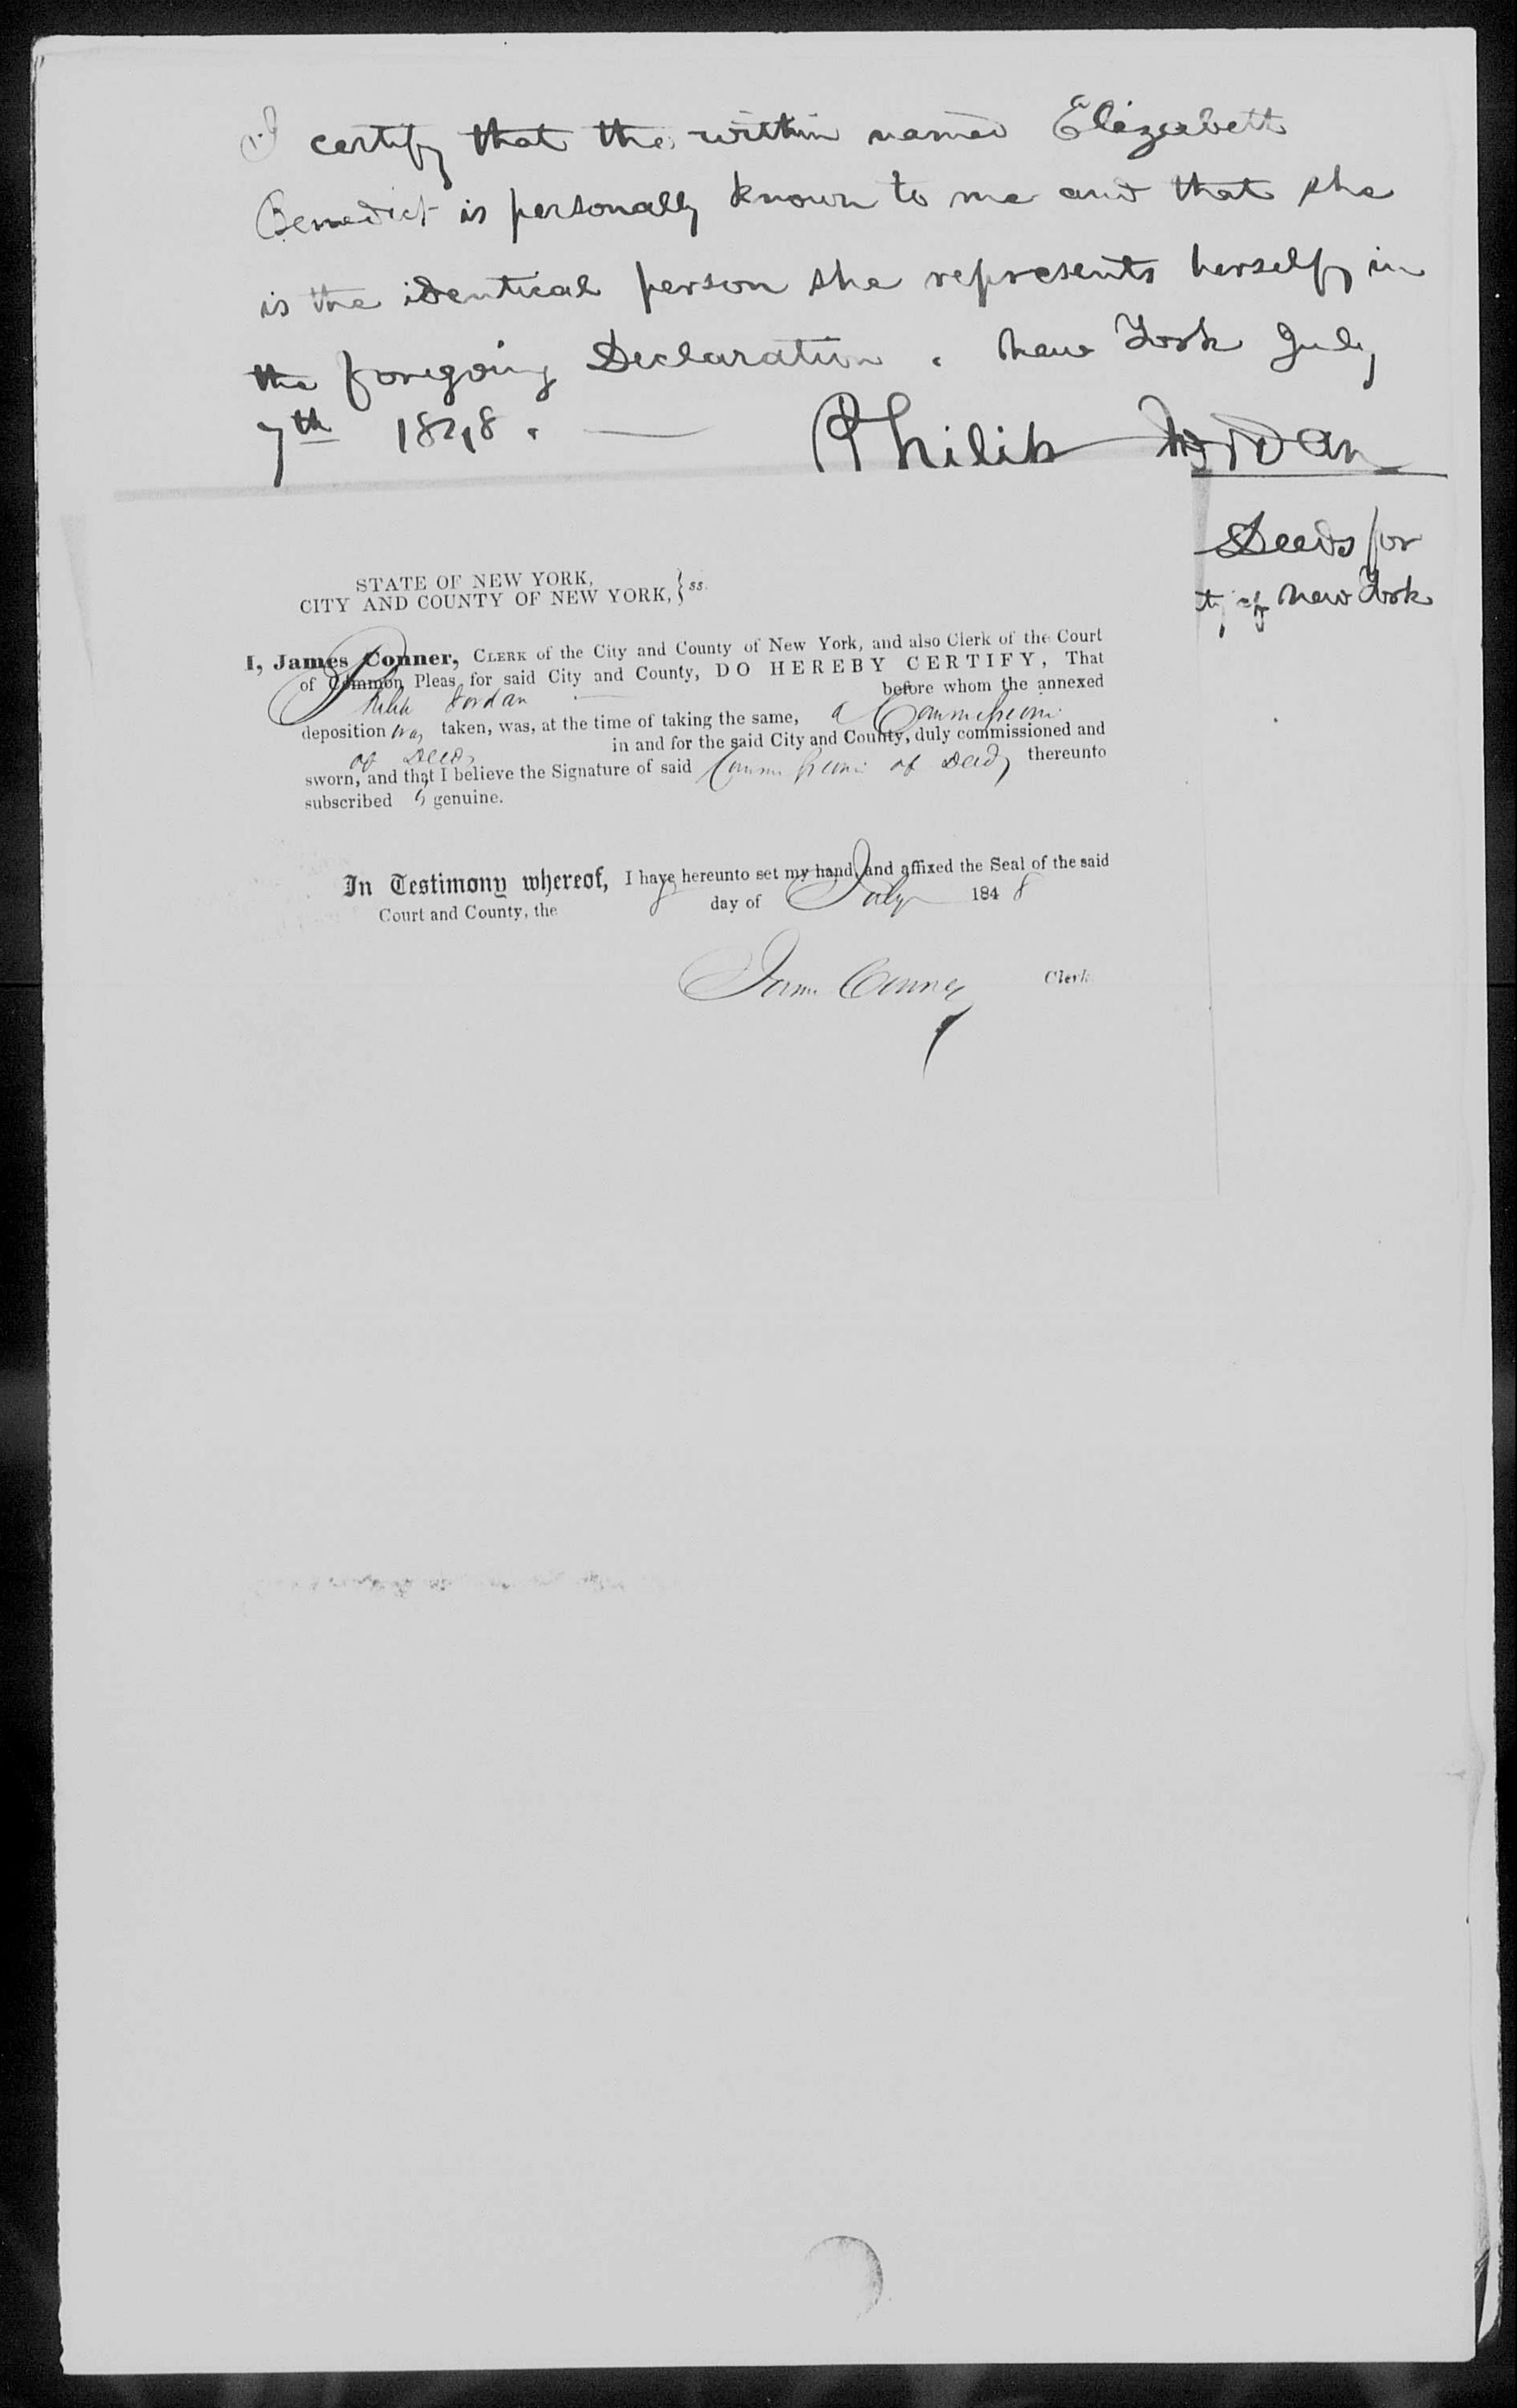I certify that the within named Elizabeth
Benedict is personally known to me and that she
is the identical person she represents herself in
the foregoing Declaration.         New York July
7th 1848--
                                                 Philip Jordan
                                                                Deeds for
STATE OF NEW YORK,                            of New York
CITY AND COUNTY OF NEW YORK, SS

I, James Conner, CLERK of the City and County of New York, and also Clerk of the Court
of Common Pleas, for said City and County, DO HEREBY CERTIFY, That
   Philip Jordan              before whom the annexedeeds
deposition was taken, was, at the time of taking the same, a Commissioner
of deeds in and for the said City and County, duly commissioned and
sworn and that I believe the Signature of said Commissioner of Deeds thereunto
subscribed is genuine.

In testimony whereof, I have hereunto set my hand and affixed the Seal of the said
Court and County, the  8 day of July 1848
                                            James Conner  Clerk.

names: James Conner, James Conner, Philip Jordan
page: 44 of 56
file: [ILLEGIBLE], Jonah Benedict, Conn.